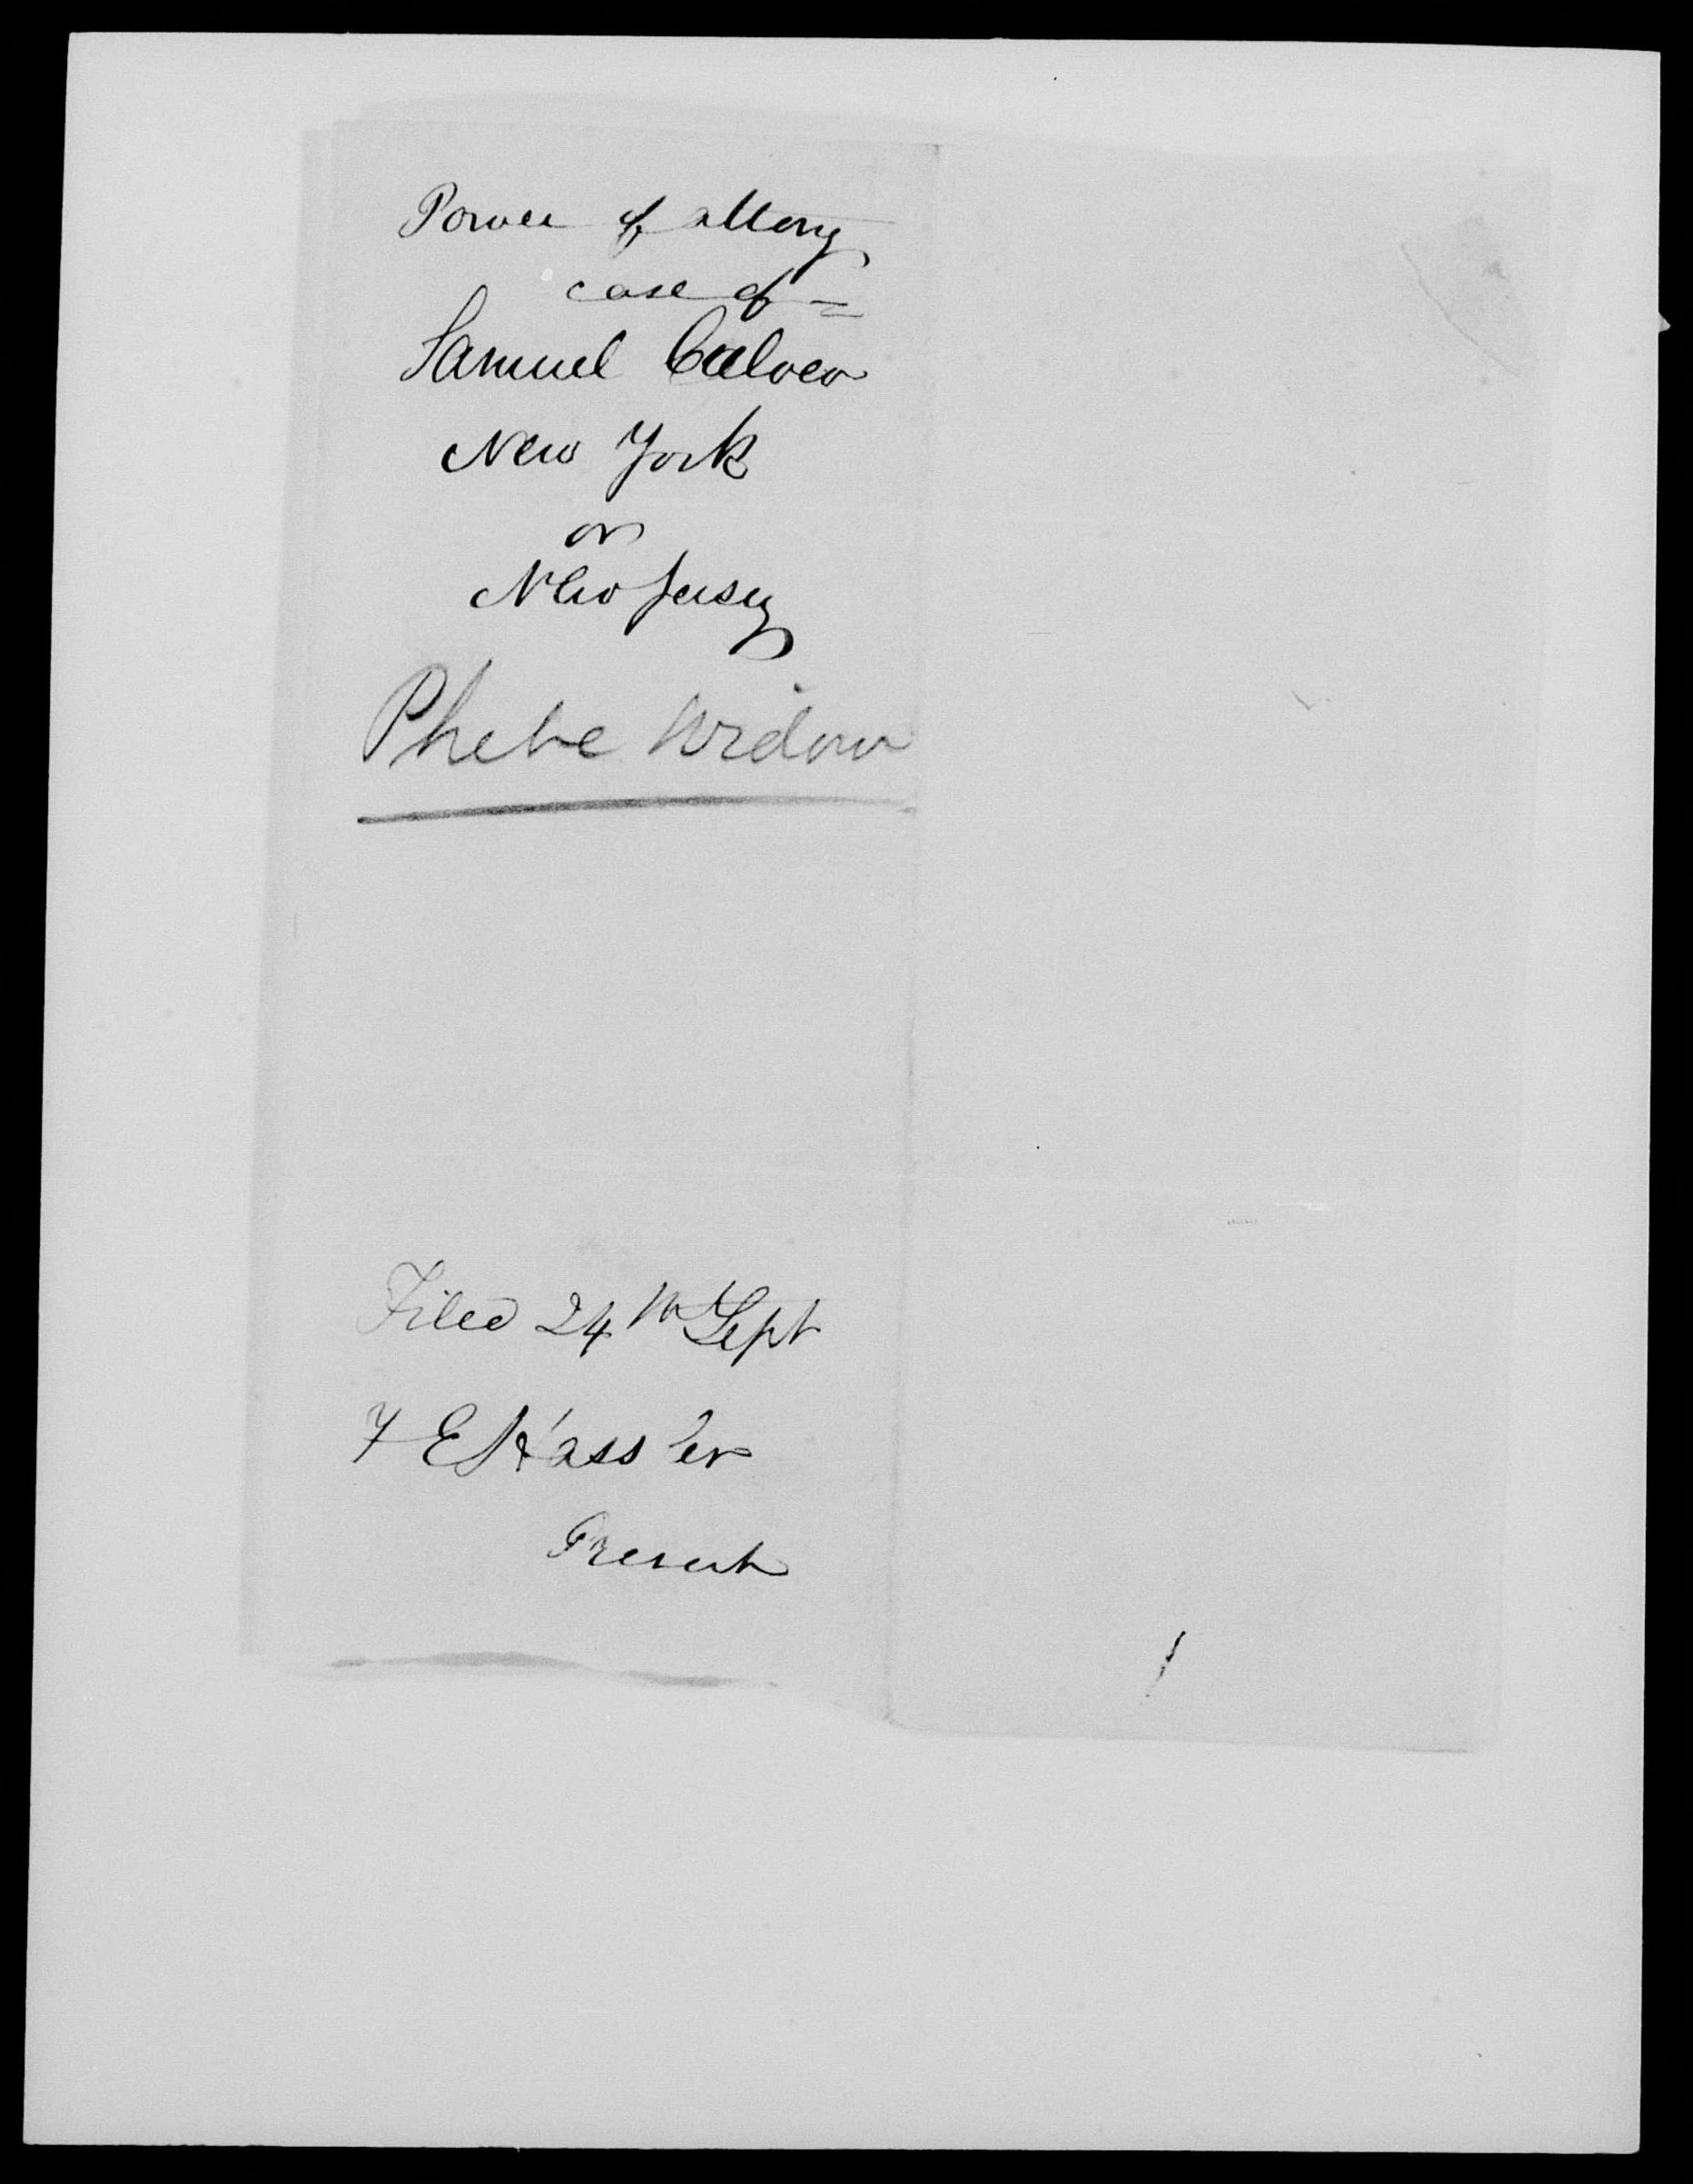Power of Attorney

Case of – 

Samuel Culver

New York
or
New Jersey

Phebe widow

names: Phebe, F E Hassler, Samuel Culver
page: 4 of 40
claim: rejected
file: R. 1,570, Samuel Culver, New Jersey